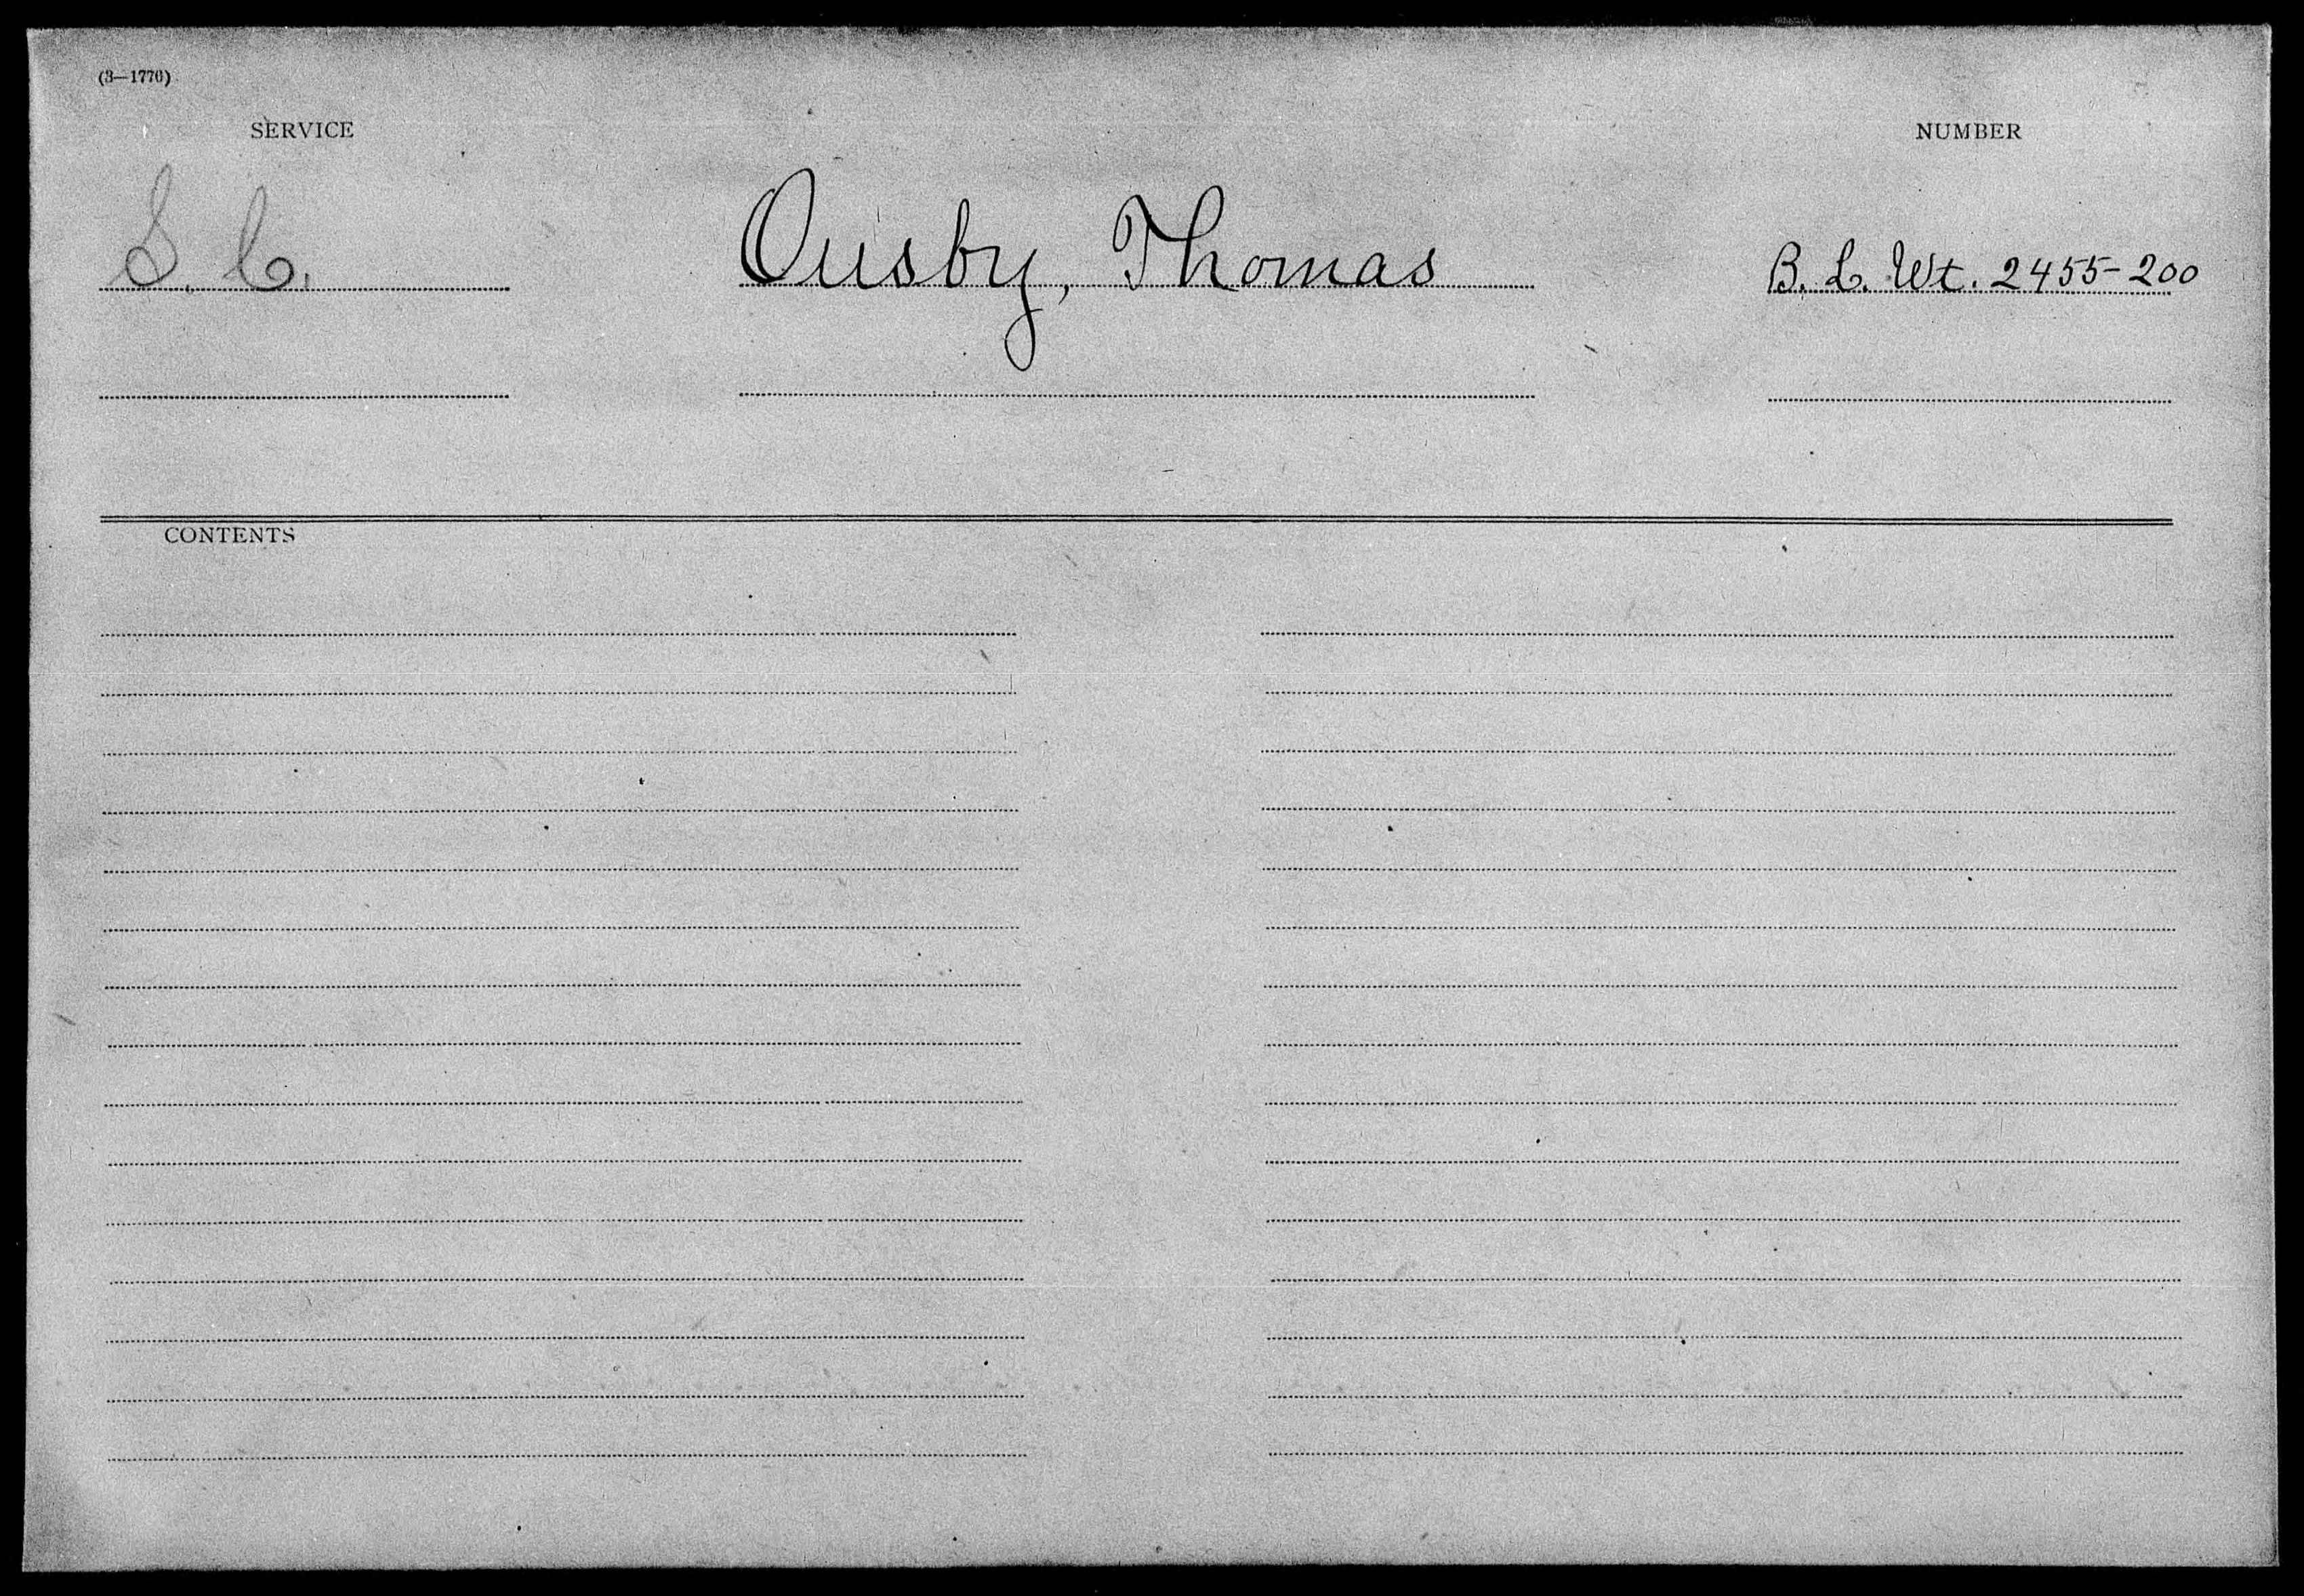(3-1776)

Service
S.C.

Ousby, Thomas

Number
B.L.Wt.2455-200

Contents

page: 1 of 13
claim: bounty land warrant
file: B. L. Wt. 2455-200, for Thomas Ousby, South Carolina